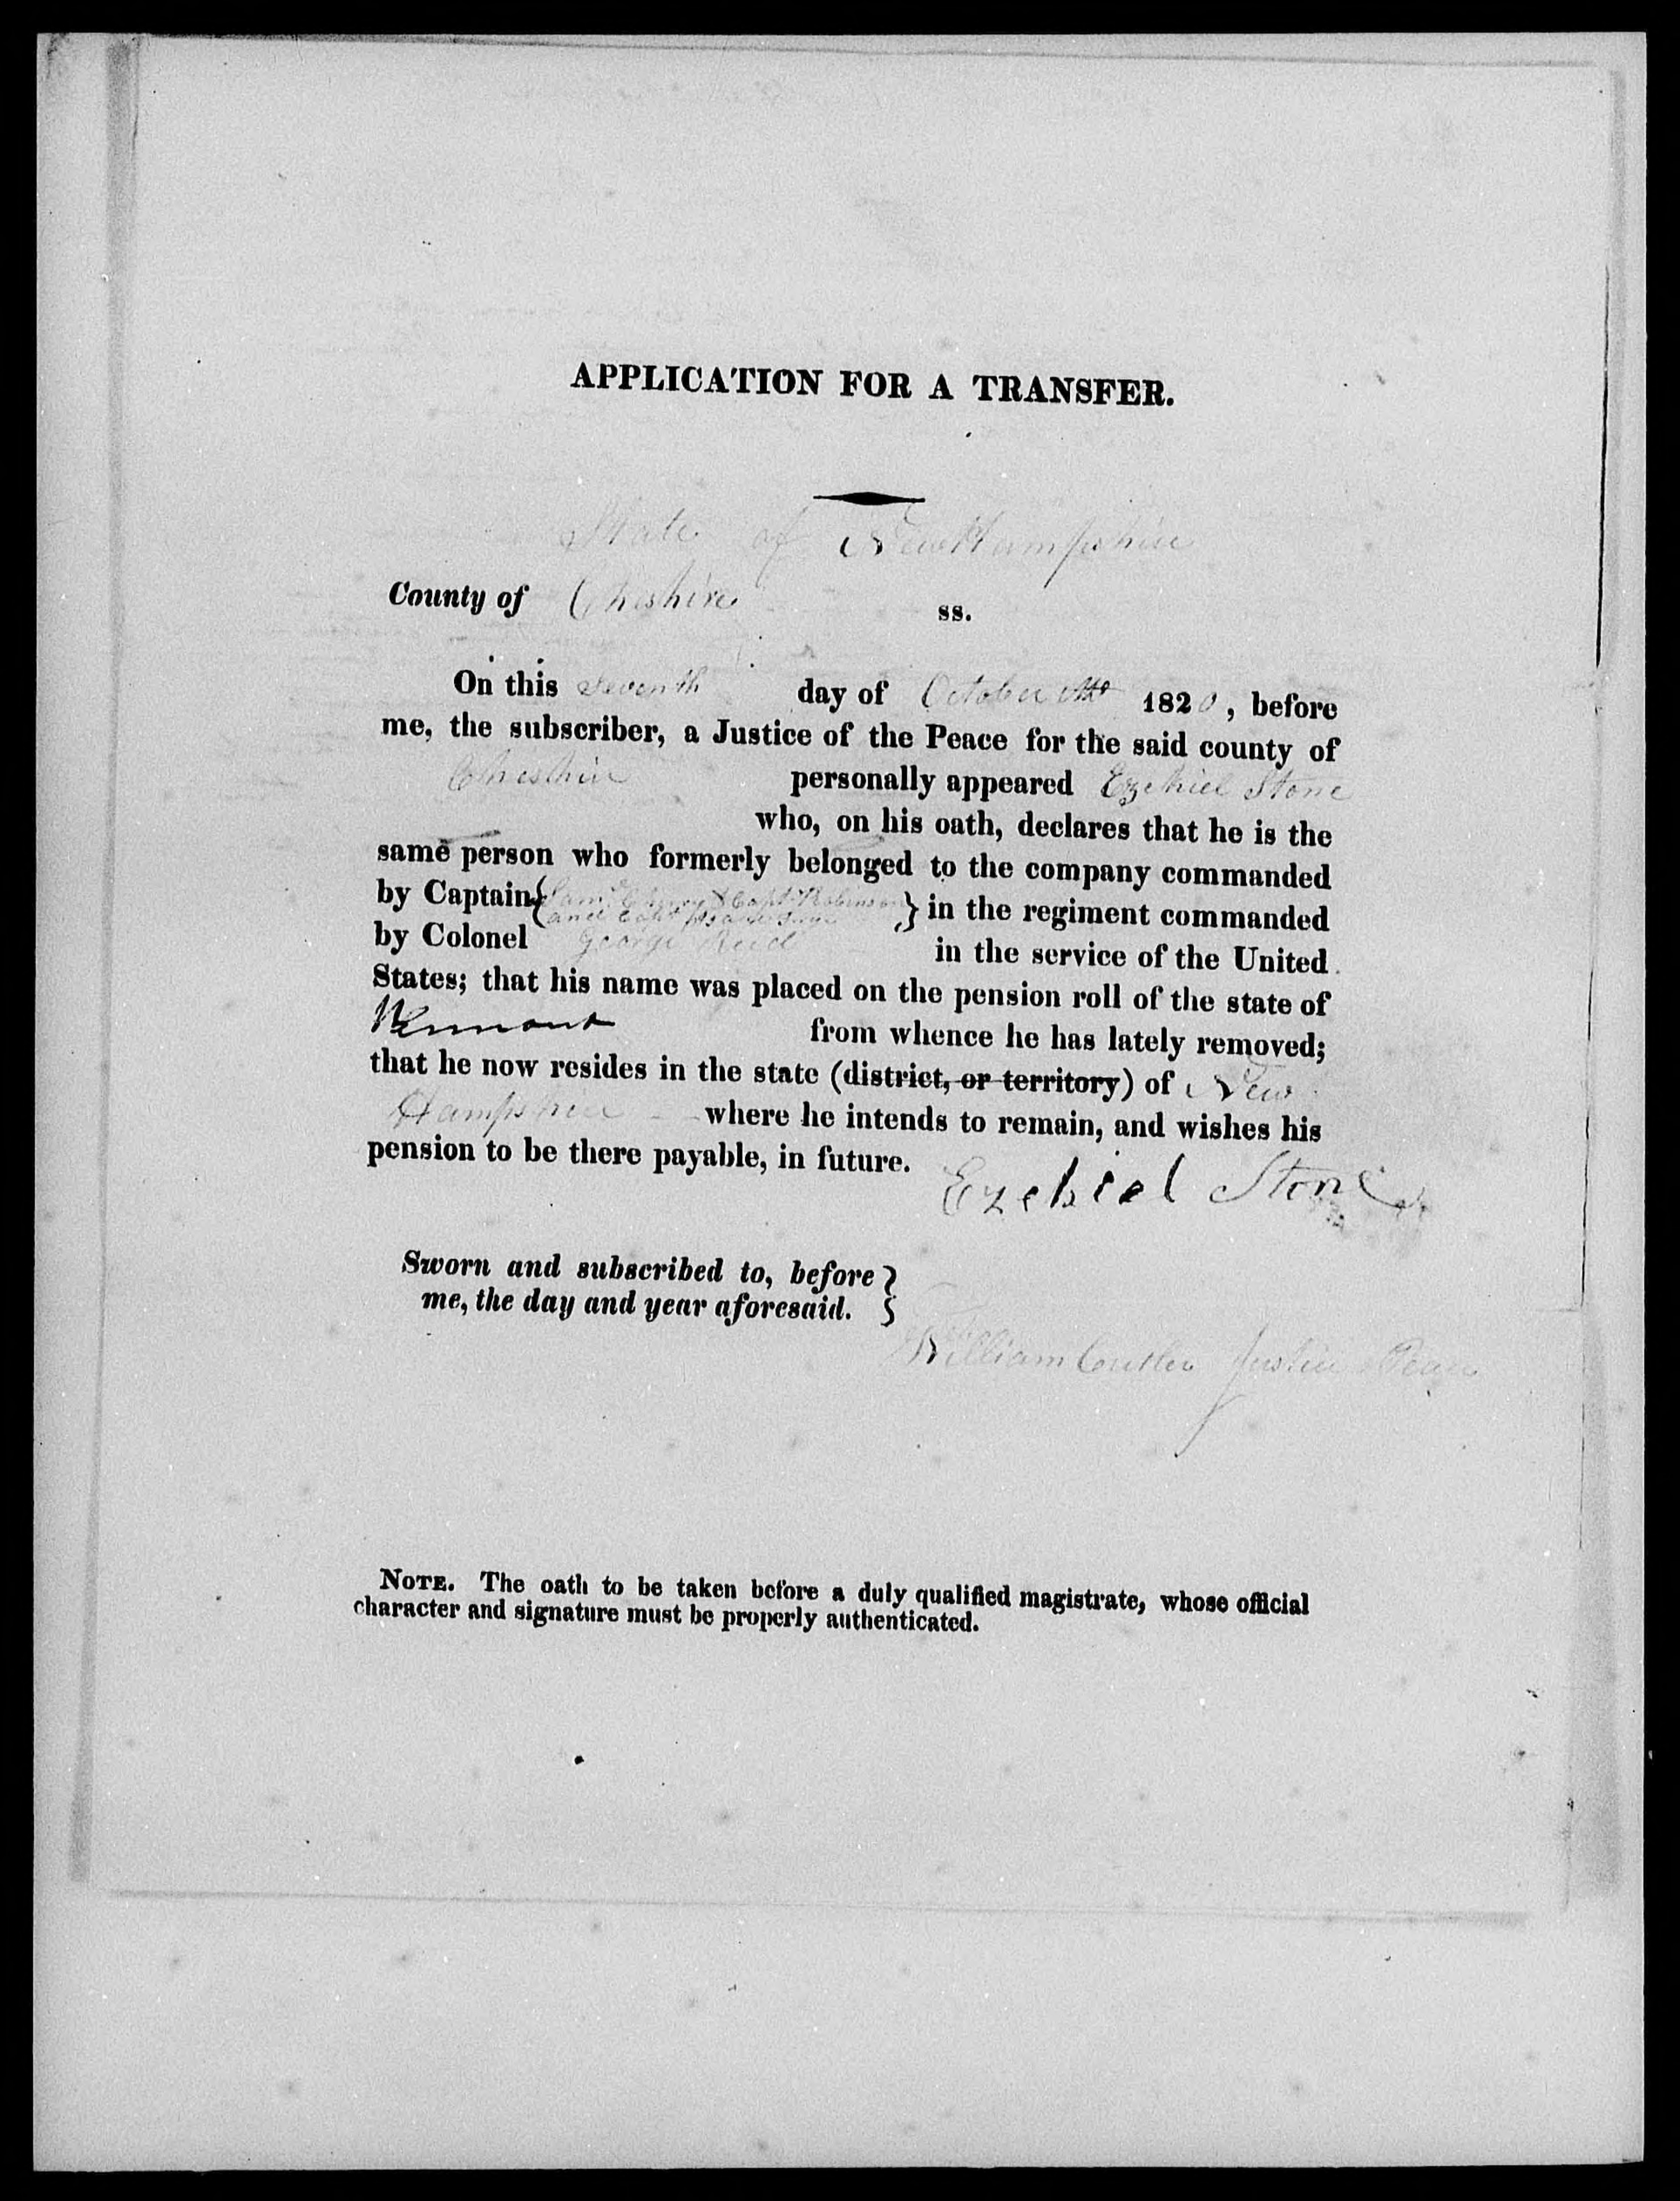APPLICATION FOR A TRANSFER.

State of New Hampshire
County of Cheshire  ss.

On this seventh day of October AD 1820, before me, the subscriber, a Justice of the Peace for the said county of Cheshire personally appeared Ezekiel Stone who, on his oath, declares that he is the same person who formerly belonged to the company commanded by Captain Sam'l Cherry & Capt Robinson and Capt Isaac Frye in the regiment commanded by Colonel George Reed in the service of the United States; that his name was placed on the pension roll of the state of Vermont from whence he has lately removed; that he now resides in the state ["(district, or territory)" stricken out] of New Hampshire where he intends to remain, and wishes his pension to be there payable, in future.
Ezekiel Stone

Sworn and subscribed to, before  )
me, the day and year aforesaid.    )
William Cutler  Justice Peace

NOTE.  The oath to be taken before a duly qualified magistrate, whose official character and signature must be property authenticated.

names: [BLANK] Robinson; Isaac Suye; Ezekiel Stone; William Cutler; George Reed; Saml Cherry; Ezekiel Stone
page: 12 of 38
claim: survivor's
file: S. 43181, for Ezekiel Stone, New Hampshire